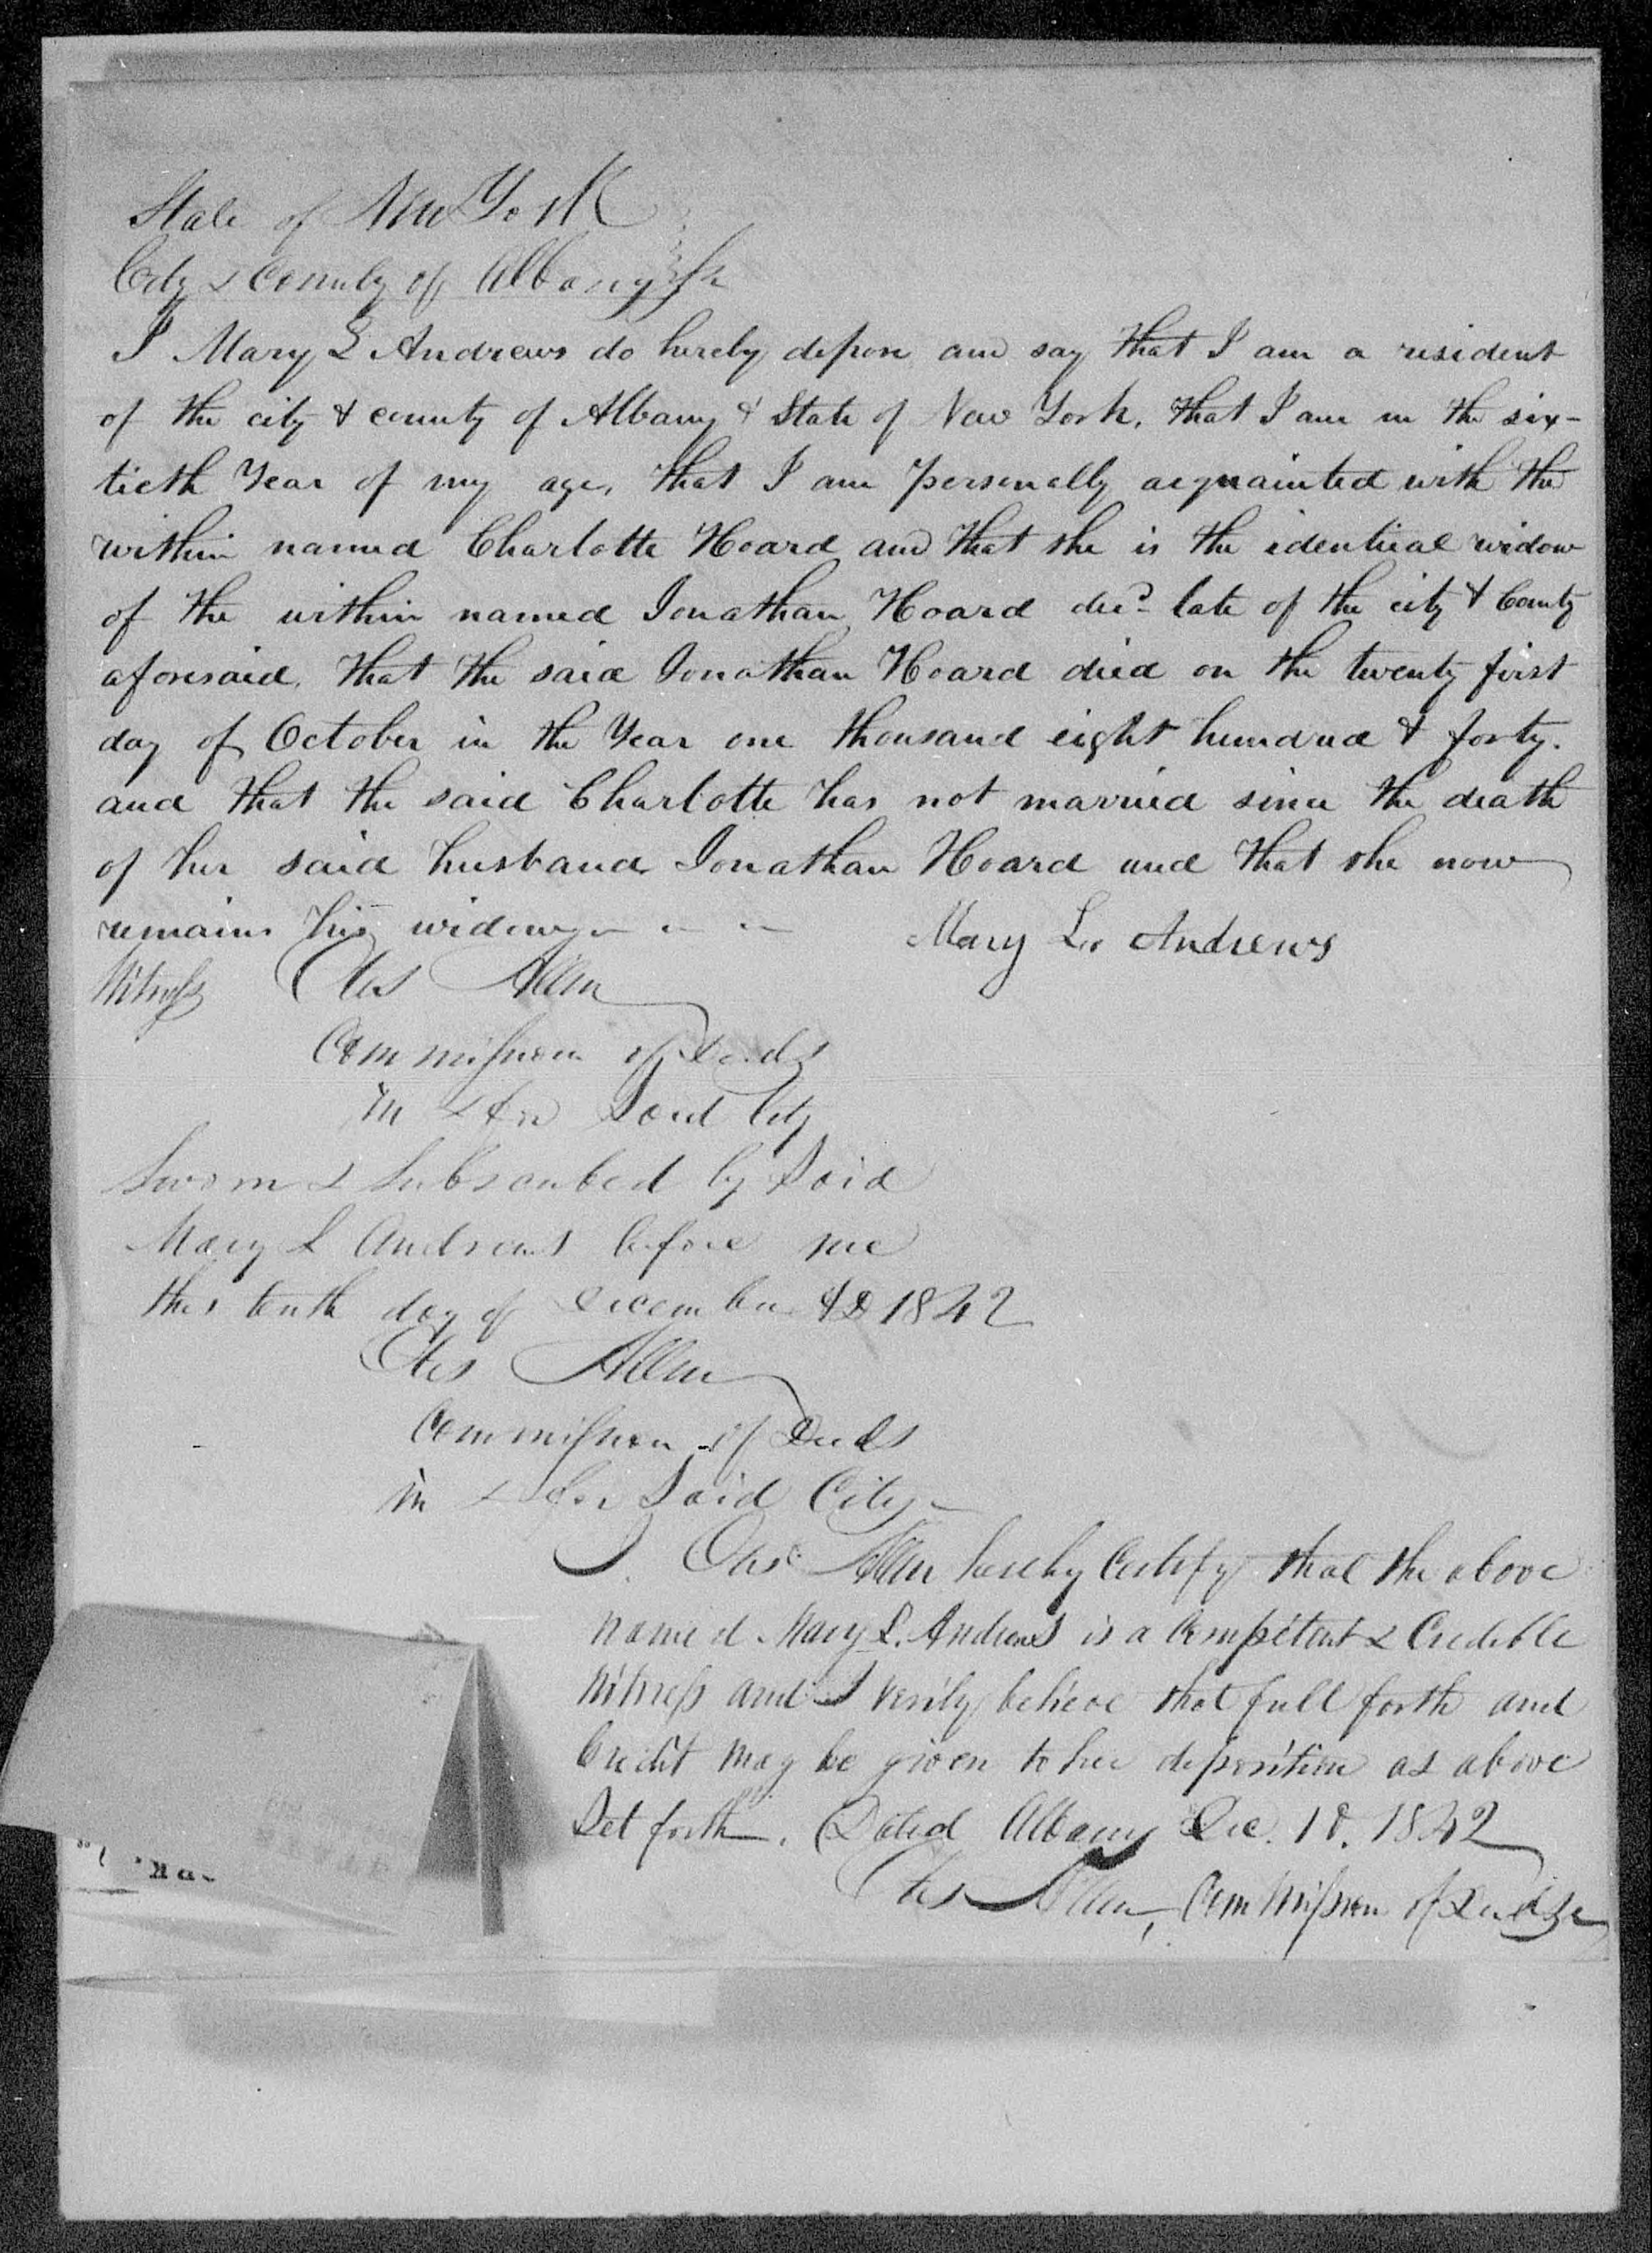State of New York City
City & County of Albany }ss

I Mary L Andrews do hereby depose and say that I am a resident of the City & County of Albany & State of New York, that I am in the sixtieth year of my age, that I am personally acquainted with the within named Charlotte Hoard and that she is the identical widow of the within named Jonathan Hoard decd late of the City & County aforesaid, that the said Jonathan Hoard died on the twenty first day of October in the year one thousand eight hundred & forty and that the said Charlotte has not married since the death of her said husband Jonathan Hoard and that she now remains his widow -
Mary L. Andrews (signature)

Witness Otis Allen Commissioner of Deeds (signature)
in & for said City

Sworn & Subscribed by said Mary L Andrews before me this tenth day of December AD 1842

Otis Allen Commissioner of Deeds (signature)
in & for said City

I Otis Allen hereby certify that the above named Mary L. Andrews is a competent & Credible Witness and I verily believe that full faith and Credit may be given to her deposition as above Set forth. - Dated Albany Dec 10, 1842
Otis Allen Commissioner of Deeds (signature)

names: Charlotte, Charlotte Hoard, Otis Allen, Otis Allen, Jonathan Hoard, Mary L Andrews, Mary L Andrews, Otis Allen, Mary L Andrews, Jonathan Hoard, Mary L Andrews, Jonathan Hoard, Otis Allen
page: 17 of 52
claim: widow's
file: W 19755, Jonathan Hoard, Mass.